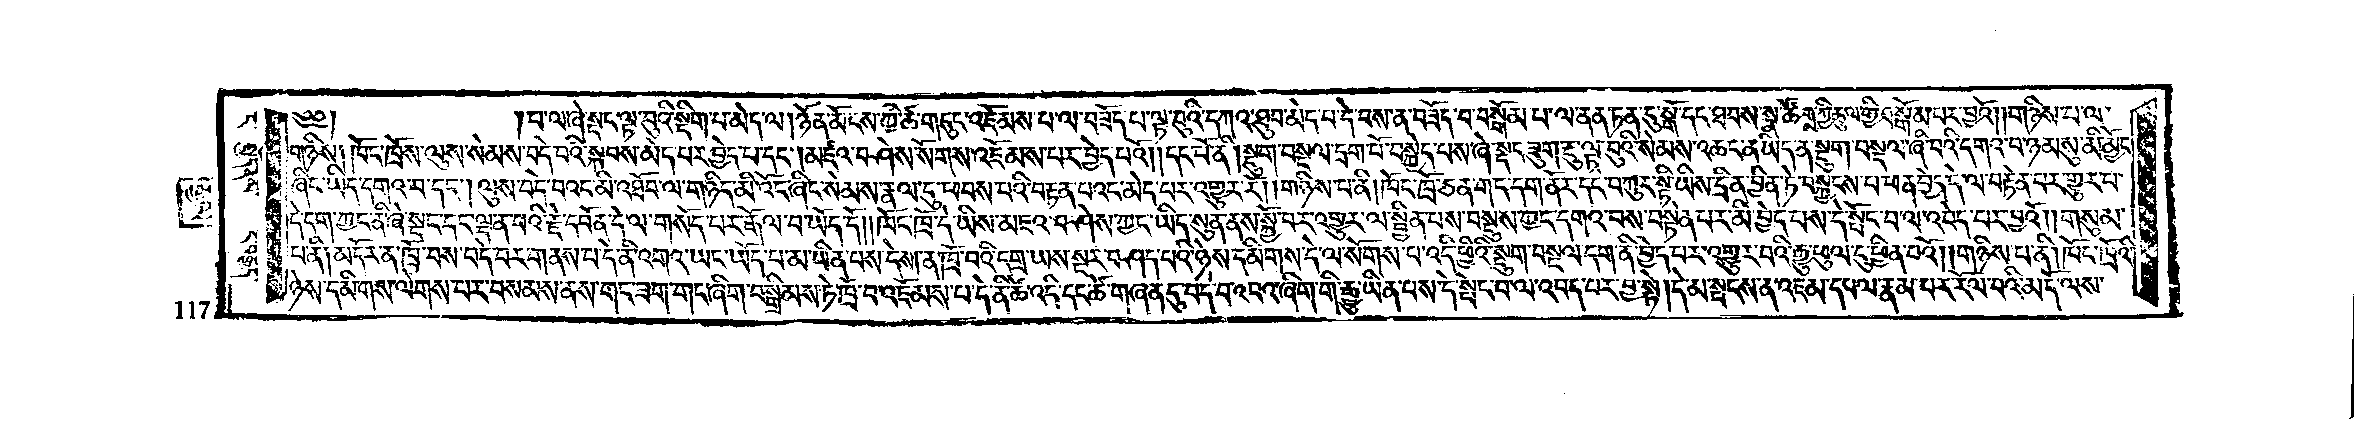༄༅། །པ་ལ་ཞེ་སྡང་ལྟ་བུའི་སྡིག་པ་མེད་ལ། ཉོན་མོངས་ཀྱི་ཚ་གདུང་འཇོམས་པ་ལ་བཟོད་པ་ལྟ་བུའི་དཀའ་ཐུབ་མེད་པ་དེ་བས་ན་བཟོད་པ་བསྒོམ་པ་ལ་ནན་ཏན་དུ་སྒོ་དང་ཐབས་སྣ་ཚོགས་ཀྱི་ཚུལ་གྱི་བསྒོམ་པར་བྱའོ། །གཉིས་པ་ལ་
གཉིས༑ ཁོང་ཁྲོས་ལུས་སེམས་བདེ་བའི་སྐབས་མེད་པར་བྱེད་པ་དང་། མཛའ་བ་ཤེས་སོགས་འཇོམས་པར་བྱེད་པའོ། །དང་པོ་ནི། སྡུག་བསྔལ་དྲག་པོ་བསྐྱེད་པས་ཞེ་སྡང་ཟུག་རྡུ་ལྟ་བུའི་སེམས་འཆད་ན་ཡིད་ན་སྡུག་བསྔལ་ཞི་བའི་དགའ་བ་ཉམས་སུ་མི་མྱོང་
ཞིང་ཡིད་དགའ་བ་དང་། ལུས་བདེ་བའང་མི་འཐོབ་ལ་གཉིད་མི་འོང་ཞིང་སེམས་རྣལ་དུ་ཕབས་པའི་བརྟན་པའང་མེད་པར་འགྱུར་རོ། །གཉིས་པ་ནི། ཁོང་ཁྲོ་ཅན་གད་དག་ནོར་དང་བཀུར་སྟི་ཡིས་དྲིན་བྱིན་ཏེ་བསྐྱངས་པ་ཕན་བྱེད་དེ་ལ་བརྟེན་པར་གྱུར་པ་
དེ་དག་ཀྱང་ནི་ཞེ་སྡང་དང་ལྡན་པའི་རྗེ་དཔོན་དེ་ལ་གསོད་པར་རྒོལ་བ་ཡོད་དོ། །ཁོང་ཁྲོ་དེ་ཡིས་མཛའ་བ་ཤེས་ཀྱང་ཡིད་སུན་ནས་སྐྱོ་བར་འགྱུར་ལ་སྦྱིན་པས་བསྡུས་ཀྱང་དགའ་བས་བསྟེན་པར་མི་བྱེད་པས་དེ་སྤོང་བ་ལ་འབེད་པར་བྱའོ། །གསུམ་
པ་ནི། མདོར་ན་ཁྲོ་བས་བདེ་བར་གནས་པ་དེ་ནི་འགའ་ཡང་ཡོད་པ་མ་ཡིན་པས་དེས། ན་ཁྲོ་བའི་དགྲ་ཡས་སྔར་བཤད་པའི་ཉེས་དམིགས་དེ་ལ་སོགས་པ་འདི་ཕྱིའི་སྡུག་བསྔལ་དག་ནི་བྱེད་པར་འགྱུར་བའི་རྒྱུ་ཕུལ་དུ་ཕྱིན་པའོ། །གཉིས་པ་ནི། ཁོང་ཁྲོའི་
ཉེས་དམིགས་ལེགས་པར་བསམས་ནས་གང་ཟག་གང་ཞིག་བསྒྲིམས་ཏེ་ཁྲོ་བ་འཇོམས་པ་དེ་ནི་ཚེ་འདི་དང་ཚེ་གཞན་དུ་བདེ་བ་འབའ་ཞིག་གི་རྒྱུ་ཡིན་པས་དེ་སྤེད་པ་ལ་འབད་པར་བྱ་སྟེ། དེ་མ་སྤངས་ན་འཇམ་དཔའ་རྣམ་པར་རོལ། བའི་མདོ་ལས་